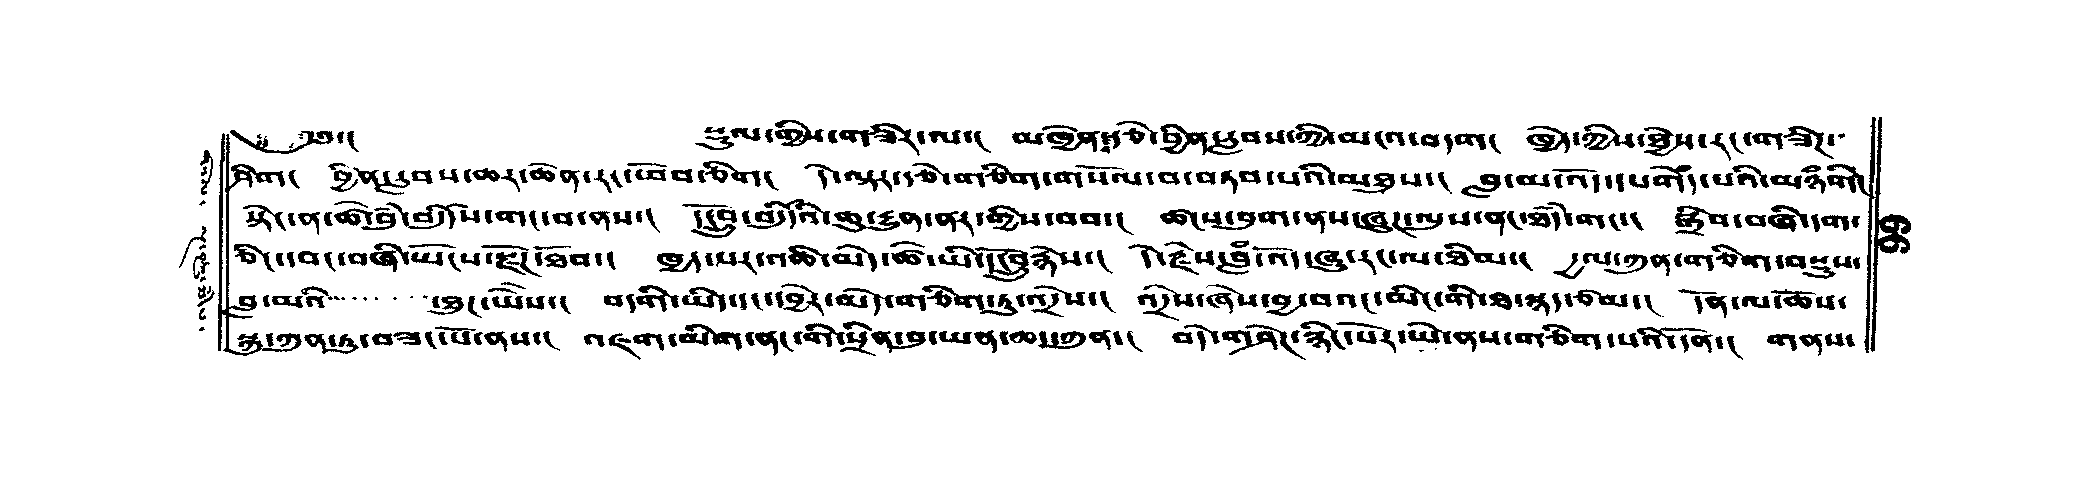སྡུག་བསྔལ་གྱིས་གཟིར་ལ། །མཁྱེན་བརྩེ་བྱིན་རླབས་ཀྱི་མངའ་བདག། ཁྱེད་ཀྱིས་ཐུགས་རྗེས་རང་གཟིགས་
ཤིག །བྱིན་རླབས་ཆར་ཆེན་རང་ཕོབ་ཅིག །དེ་ལྟར་རྩེ་གཅིག་གསོལ་བ་བཏབ་པའི་མཐུས། །བླ་མ་འོད་དཔག་མེད་པའི་མཉམ་བཞག་གི །
སྟེང་ན་ཚེ་བུམ་བདུད་རྩིས་གང་བ་ནས། །དངོས་གྲུབ་བདུད་རྩིའི་ཆུ་རྒྱུན་ནར་གྱིས་བབས། །ཚངས་བུག་ནས་ཞུགས་ལུས་ན་ཐམས་ཅད་གང་། །སྒྲིབ་བཞི་དག་
ཅིང་དབང་བཞི་ཡོངས་རྫོགས་ཐོབ། །ཁྱད་པར་འཆི་མེད་ཚེ་ཡི་དངོས་གྲུབ་བརྙེས། །དེ་རྗེས་བླ་མ་འོད་ཞུ་རང་ལ་ཐིམ། །རྒྱལ་ཀུན་གཅིག་བསྡུས་
བླ་མའི་ཐུགས་ཡེ་ཤེས། །བདག་གི་ཡིད་དང་དབྱེར་མེད་གཅིག་ཏུ་འདྲེས། །འདྲེས་ཞེས་བྱ་བའང་མིང་གི་ཐ་སྙད་ཙམ། །དོན་ལ་ཆོས་
སྐུ་ཀུན་ཏུ་བཟང་པོ་ནས། །འཇག་མིག་ནང་གི་སྲིན་བུ་ཡན་ཆད་ཀུན། །བདེ་གཤེགས་སྙིང་པོར་ཡེ་ནས་གཅིག་པའི་དོན། །གནས་